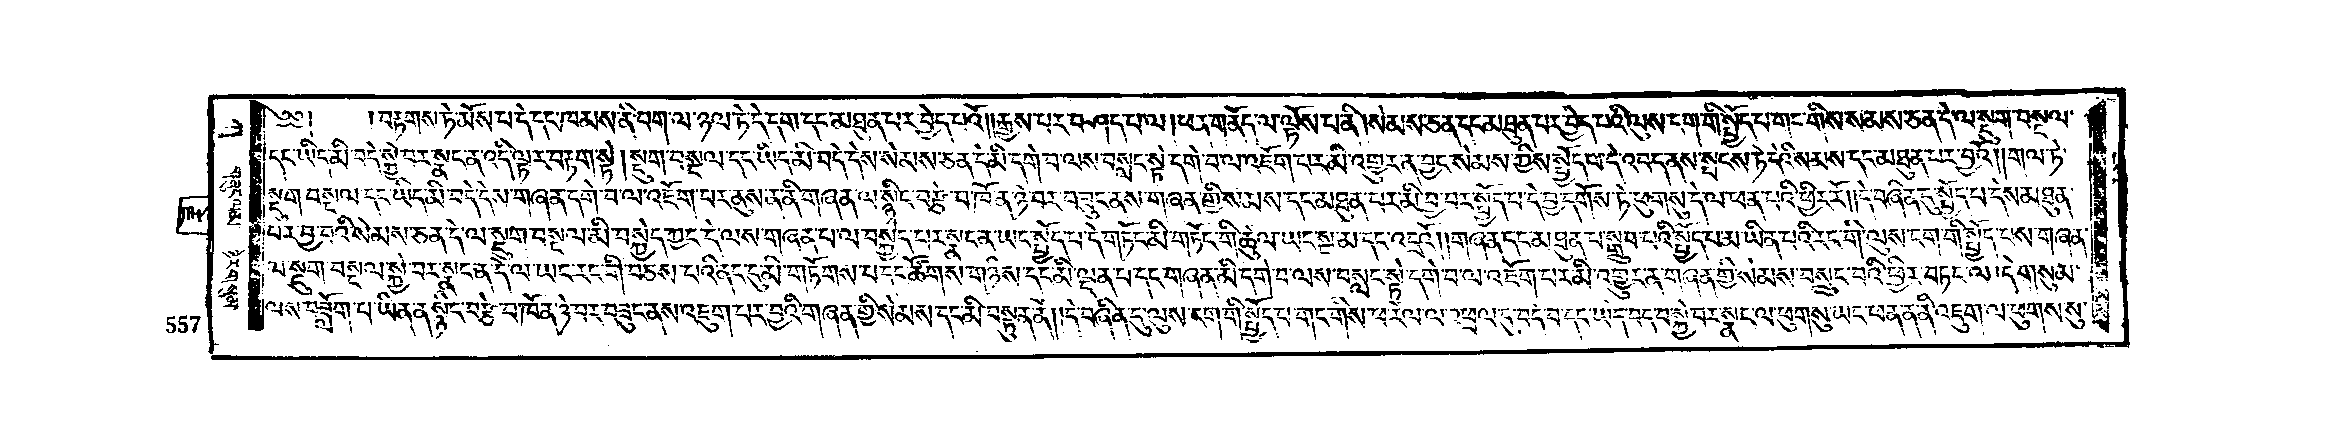༄༅། །བརྟགས་ཏེ་མོས་པ་དེ་དང་ཁམས་ནི་བག་ལ་ཉལ་ཏེ་དེ་དག་དང་མཐུན་པར་བྱེད་པའོ། །རྒྱས་པར་བཤད་པ་ལ། ཕན་གནོད་ལ་ལྟོས་པ་ནི། སེམས་ཅན་དང་མཐུན་པར་བྱེད་པའི་ལུས་ངག་གི་སྤྱོད་པ་གང་གིས་སེམས་ཅན་དེ་ལ་སྡུག་བསྔལ་
དང་ཡིད་མི་བདེ་སྐྱེ་བར་སྣང་ན་འདི་ལྟར་བརྟག་སྟེ། སྡུག་བསྔལ་དང་ཡིད་མི་བདེ་དེས་སེམས་ཅན་དེ་མི་དགེ་བ་ལས་བསླང་སྟེ་དགེ་བ་ལ་འཇོག་པར་མི་འགྱུར་ན་བྱང་སེམས་ཀྱིས་སྤྱོད་པ་དེ་འབད་ནས་སྤངས་ཏེ་དེའི་སེམས་དང་མཐུན་པར་བྱའོ། །གལ་ཏེ་
སྡུག་བསྔལ་དང་ཡིད་མི་བདེ་དེས་གཞན་དགེ་བ་ལ་འཇོག་པར་ནུས་ན་ནི་གཞན་ལ་སྙིང་བརྩེ་བ་ཁོ་ན་ཉེ་བར་བཟུང་ནས་གཞན་གྱི་སེམས་དང་མཐུན་པར་མི་བྱ་བར་སྤྱོད་པ་དེ་བྱ་དགོས་ཏེ་ཕུགས་སུ་དེ་ལ་ཕན་པའི་ཕྱིར་རོ། །དེ་བཞིན་དུ་སྤྱོད་པ་དེས་མཐུན་
པར་བྱ་བའི་སེམས་ཅན་དེ་ལ་སྡུག་བསྔལ་མི་བསྐྱེད་ཀྱང་དེ་ལས་གཞན་པ་ལ་བསྐྱེད་པར་སྣང་ན་ཡང་སྤྱོད་པ་དེ་གཏོང་མི་གཏོང་གི་ཚུལ་ཡང་སྔ་མ་དང་འདྲའོ། །གཞན་དང་མཐུན་པ་སྒྲུབ་པའི་སྤྱོད་པ་མ་ཡིན་པའི་རང་གི་ལུས་ངག་གི་སྤྱོད་པས་གཞན་
ལ་སྡུག་བསྔལ་སྐྱེ་བར་སྣང་ན་དེ་ལ་ཡང་རང་གི་བཅས་པའི་ནང་དུ་མི་གཏོགས་པ་དང་ཚོགས་གཉིས་དང་མི་ལྡན་པ་དང་གཞན་མི་དགེ་བ་ལས་བསླང་སྟེ་དགེ་བ་ལ་འཇོག་པར་མི་འགྱུར་ན་གཞན་གྱི་སེམས་བསྲུང་བའི་ཕྱིར་བཏང་ལ། དེ་གསུམ་
ལས་བཟློག་པ་ཡིན་ན་སྙིང་བརྩེ་བ་ཁོ་ན་ཉེ་བར་བཟུང་ནས་འཇུག་པར་བྱའི་གཞན་གྱི་སེམས་དང་མི་བསྟུན་ནོ། །དེ་བཞིན་དུ་ལུས་ངག་གི་སྤྱོད་པ་གང་གིས་ཕ་རོལ་ལ་འཕྲལ་དུ་བདེ་བ་དང་ཡིད་བདེ་བ་སྐྱེ་བར་སྣང་ལ་ཕུགས་སུ་ཡང་ཕན་ན་ནི་འཇུག་ལ་ཕུགས་སུ་